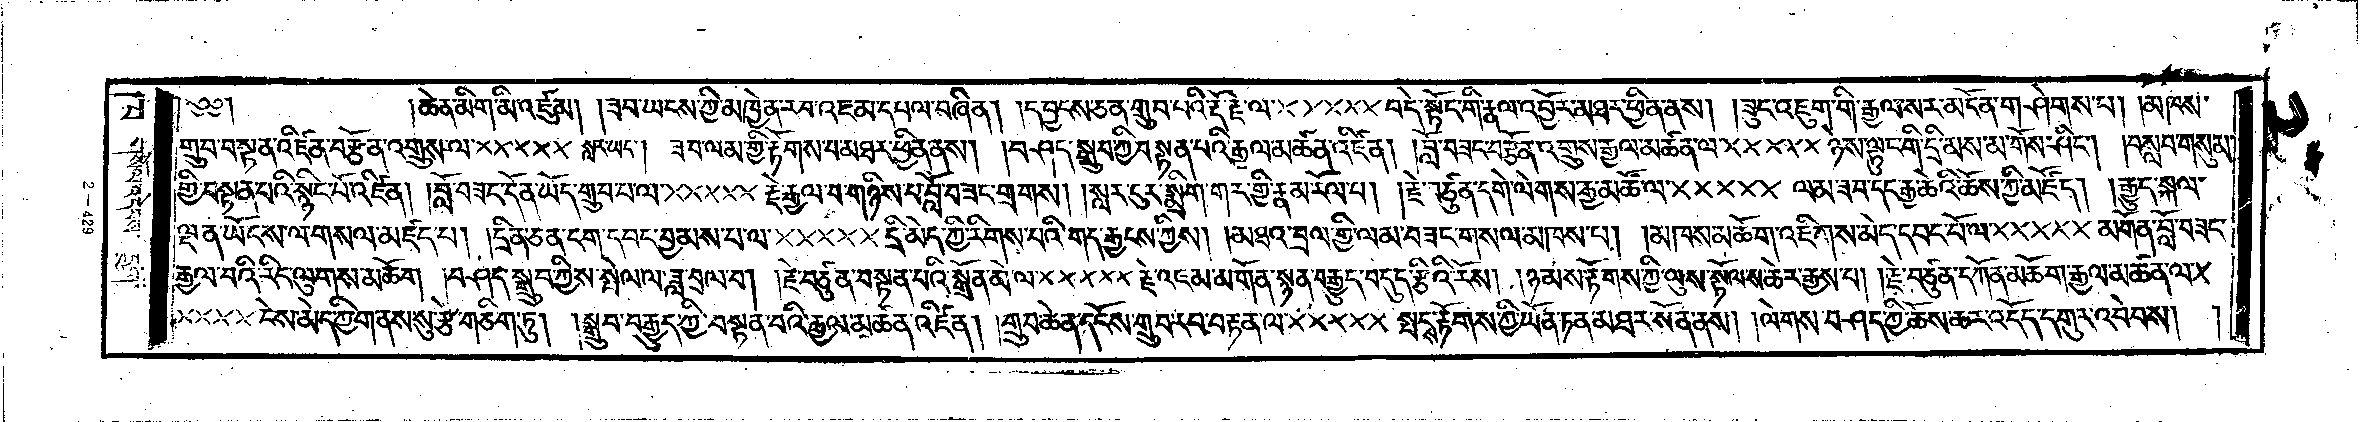༄༅། །ཆེན་མིག་མི་འཛུམ། །ཟབ་ཡངས་ཀྱི་མཁྱེན་རབ་འཇམ་དཔལ་བཞིན། །དབྱངས་ཅན་གྲུབ་པའི་རྡོ་རྗེ་ལ་྾྾྾་བདེ་སྟོང་གི་རྣལ་འབྱོར་མཐར་ཕྱིན་ནས། །ཟུང་འཇུག་གི་རྒྱལ་སར་མངོན་གཤེགས་པ། །མཁས་
གྲུབ་བསྟན་འཛིན་བརྩོན་འགྲུས་ལ་྾྾྾་སླར་ཡང་།  ཟབ་ལམ་གྱི་རྟོགས་པ་མཐར་ཕྱིན་ནས། །བཤད་སྒྲུབ་ཀྱི་བསྟན་པའི་རྒྱལ་མཚན་འཛིན། །བློ་བཟང་བརྩོན་འགྲུས་རྒྱལ་མཚན་ལ་ཉེས་ལྟུང་གི་དྲི་མས་མ་གོས་ཤིང་། །བསླབ་གསུམ་
གྱི་བསྟན་པའི་སྙིང་པོ་འཛིན། །བློ་བཟང་དོན་ཡོད་གྲུབ་པ་ལ་རྗེ་རྒྱལ་བ་གཉིས་པ་བློ་བཟང་གྲགས། །སླར་ངུར་སྨྲིག་གར་གྱི་རྣམ་རོལ་པ། །རྗེ་བཙུན་དགེ་ལེགས་རྒྱ་མཚོ་ལ་ལམ་ཟབ་དང་རྒྱ་ཆེའི་ཆོ་ཀྱི་མཛོད། །རྒྱུད་སྐལ་
ལྡན་ཡོངས་ལ་གསལ་མཛད་པ། །དྲིན་ཅན་ངག་དབང་བྱམས་པ་ལ་དྲི་མེད་ཀྱི་རིགས་པའི་གད་རྒྱངས་ཀྱིས། །མཐའ་བྲལ་གྱི་ལམ་བཟང་གསལ་མཁ་པ། །མཁས་མཆོག་འཇིགས་མེད་དབང་པོ་ལ་མགོན་བློ་བཟང་
རྒྱལ་བའི་རིང་ལུགས་མཆོག །བཤད་སྒྲུབ་ཀྱིས་སྤེལ་ལ་ཟླ་བྲལ་བ། །རྗེ་བཙུན་བསྟན་པའི་སྒྲོན་མེ་ལ་྾྾྾་རྗེ་འཇམ་མགོན་སྙན་བརྒྱུད་བདུད་རྩིའི་རོས། །ཉམས་རྟོགས་ཀྱི་ལུས་སྟོལ་ས་ཆེར་རྒྱས་པ། །རྗེ་བཙུན་དཀོན་མཆོག་རྒྱལ་མཚན་ལ་
ངེས་མེད་ཀྱི་གནས་སུ་རྩེ་གཅིག་ཏུ། །སྒྲུབ་རྒྱུད་ཀྱི་བསྟན་པའི་རྒྱལ་མཚན་འཛིན། །གྲུབ་ཆེན་དངོས་གྲུབ་རབ་རྟན་ལ་སྤངས་རྟོགས་ཀྱི་ཡོན་ཏན་མཐར་སོན་ནས། །ལེགས་བཤད་ཀྱི་ཆོས་ཆར་འདོད་དགུར་འབེབས། །